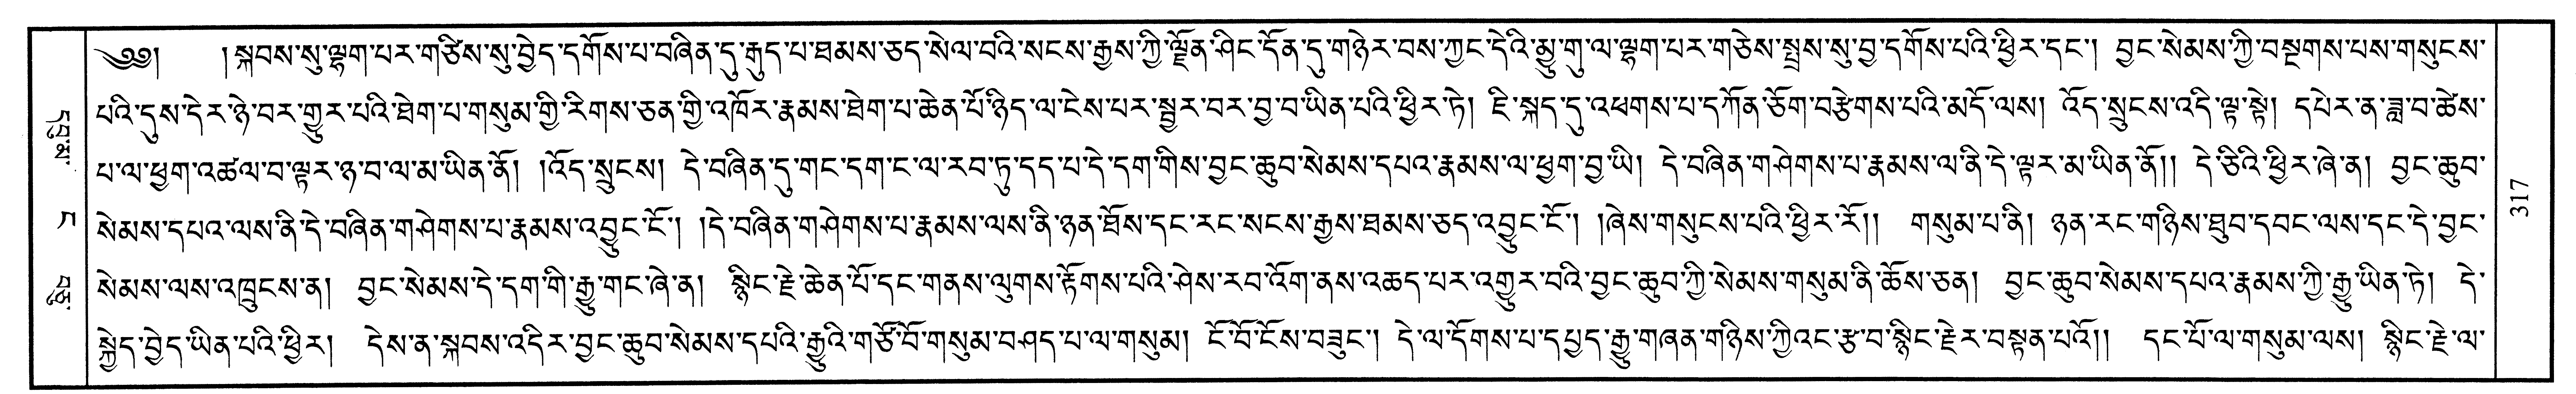༄༅། །སྐབས་སུ་ལྷག་པར་གཙིས་སུ་བྱེད་དགོས་པ་བཞིན་དུ་རྒུད་པ་ཐམས་ཅད་སེལ་བའི་སངས་རྒྱས་ཀྱི་ལྗོན་ཤིང་དོན་དུ་གཉེར་བས་ཀྱང་དེའི་མྱུ་གུ་ལ་ལྷག་པར་གཅེས་སྤྲས་སུ་བྱ་དགོས་པའི་ཕྱིར་དང་། བྱང་སེམས་ཀྱི་བསྔགས་པས་གསུངས་
པའི་དུས་དེར་ཉེ་བར་གྱུར་པའི་ཐེག་པ་གསུམ་གྱི་རིགས་ཅན་གྱི་འཁོར་རྣམས་ཐེག་པ་ཆེན་པོ་ཉིད་ལ་ངེས་པར་སྦྱར་བར་བྱ་བ་ཡིན་པའི་ཕྱིར་ཏེ། ཇི་སྐད་དུ་འཕགས་པ་དཀོན་ཅོག་བརྩེགས་པའི་མདོ་ལས། འོད་སྲུངས་འདི་ལྟ་སྟེ། དཔེར་ན་ཟླ་བ་ཚེས་
པ་ལ་ཕྱག་འཚལ་བ་ལྟར་ཉ་བ་ལ་མ་ཡིན་ནོ། །འོད་སྲུངས། དེ་བཞིན་དུ་གང་དག་ང་ལ་རབ་ཏུ་དད་པ་དེ་དག་གིས་བྱང་ཆུབ་སེམས་དཔའ་རྣམས་ལ་ཕྱག་བྱ་ཡི། དེ་བཞིན་གཤེགས་པ་རྣམས་ལ་ནི་དེ་ལྟར་མ་ཡིན་ནོ།། དེ་ཅིའི་ཕྱིར་ཞེ་ན། བྱང་ཆུབ་
སེམས་དཔའ་ལས་ནི་དེ་བཞིན་གཤེགས་པ་རྣམས་འབྱུང་ངོ། །དེ་བཞིན་གཤེགས་པ་རྣམས་ལས་ནི་ཉན་ཐོས་དང་རང་སངས་རྒྱས་ཐམས་ཅད་འབྱུང་ངོ། །ཞེས་གསུངས་པའི་ཕྱིར་རོ།། གསུམ་པ་ནི། ཉན་རང་གཉིས་ཐུབ་དབང་ལས་དང་དེ་བྱང་
སེམས་ལས་འཁྲུངས་ན། བྱང་སེམས་དེ་དག་གི་རྒྱུ་གང་ཞེ་ན། སྙིང་རྗེ་ཆེན་པོ་དང་གནས་ལུགས་རྟོགས་པའི་ཤེས་རབ་འོག་ནས་འཆད་པར་འགྱུར་བའི་བྱང་ཆུབ་ཀྱི་སེམས་གསུམ་ནི་ཆོས་ཅན། བྱང་ཆུབ་སེམས་དཔའ་རྣམས་ཀྱི་རྒྱུ་ཡིན་ཏེ། དེ་
སྐྱེད་བྱེད་ཡིན་པའི་ཕྱིར། དེས་ན་སྐབས་འདིར་བྱང་ཆུབ་སེམས་དཔའི་རྒྱུའི་གཙོ་བོ་གསུམ་བཤད་པ་ལ་གསུམ། ངོ་བོ་ངོས་བཟུང་། དེ་ལ་དོགས་པ་དཔྱད་རྒྱུ་གཞན་གཉིས་ཀྱིའང་རྩ་བ་སྙིང་རྗེར་བསྟན་པའོ།། དང་པོ་ལ་གསུམ་ལས། སྙིང་རྗེ་ལ་